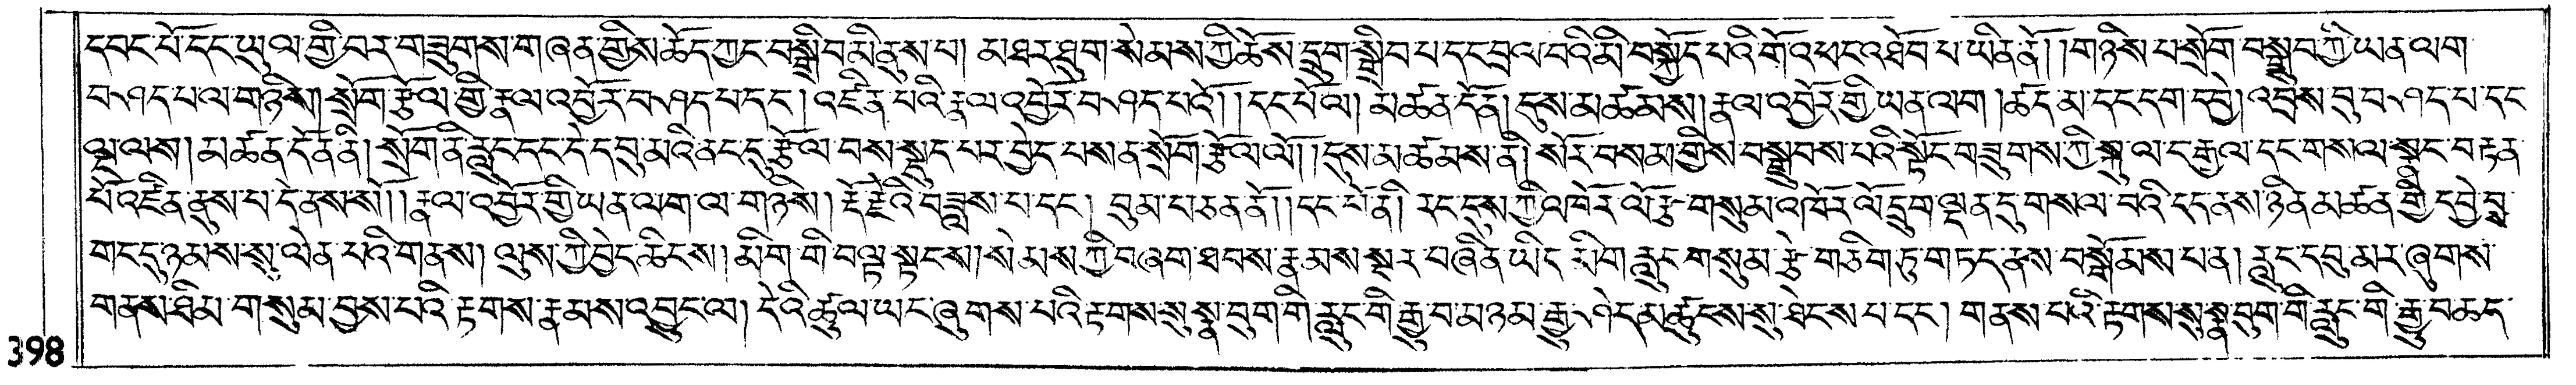དབང་པོ་དང་ཡུལ་གྱི་བར་གཟུགས་གཞན་གྱིས་ཆོད་ཀྱང་བསྒྲིབ་མི་ནུས་པ། མཐར་ཐུག་སེམས་ཀྱི་ཆོས་དྲུག་སྒྲིབ་པ་དང་བྲལ་བའི་མི་བསྐྱོད་པའི་གོ་འཕང་འཐོབ་པ་ཡིན་ནོ། །གཉིས་པ་སྲོག་བསྒྲུབ་ཀྱི་ཡན་ལག་
བཤད་པ་ལ་གཉིས། སྲོག་རྩོལ་གྱི་རྣལ་འབྱོར་བཤད་པ་དང་། འཛིན་པའི་རྣལ་འབྱོར་བཤད་པའོ། །དང་པོ་ལ། མཚན་དོན། དུས་མཚམས། རྣལ་འབྱོར་གྱི་ཡན་ལག །ཚད་མ་དང་དག་དབྱེ། འབྲས་བུ་བཤད་པ་དང་
ལྔ་ལས། མཚན་དོན་ནི། སྲོག་ནི་རླུང་དང་དེ་དབུ་མའི་ནང་དུ་རྩོལ་བས་སྡུད་པར་བྱེད་པས་ན་སྲོག་རྩོལ་ལོ། །དུས་མཚམས་ནི། སོར་བསམ་གྱིས་བསྒྲུབས་པའི་སྟོང་གཟུགས་ཀྱི་སྐུ་ལ་ང་རྒྱལ་དང་གསལ་སྣང་བརྟན་
པོ་འཛིན་ནུས་པ་དེ་ནས་སོ། །རྣལ་འབྱོར་གྱི་ཡན་ལག་ལ་གཉིས། རྡོ་རྗེའི་བཟླས་པ་དང་། བུམ་པ་ཅན་ནོ། །དང་པོ་ནི། རང་དུས་ཀྱི་འཁོར་ལོ་རྩ་གསུམ་འཁོར་ལོ་དྲུག་ལྡན་དུ་གསལ་བའི་དད་ནས་ཉིན་མཚན་གྱི་དབྱེ་བས་
གང་དུ་ཉམས་སུ་ལེན་པའི་གནས། ལུས་ཀྱི་བྱེད་ཆིངས། མིག་གི་བལྟ་སྟངས། སེམས་ཀྱི་བཞག་ཐབས་རྣམས་སྔར་བཞིན་ཡིད་མིག་རླུང་གསུམ་རྩེ་གཅིག་ཏུ་གཏད་ནས་བསྒོམས་པ་ན། རླུང་དབུ་མར་ཞུགས་
གནས་ཐིམ་གསུམ་བྱས་པའི་རྟགས་རྣམས་འབྱུང་ལ། དེའི་ཚུལ་ཡང་ཞུགས་པའི་རྟགས་སུ་སྣ་བུག་གི་རླུང་གི་རྒྱུ་བ་མཉམ་རྒྱུ་ཤེད་མཚུངས་སུ་ཐེངས་པ་དང་། གནས་པའི་རྟགས་སུ་སྣ་བུག་གི་རླུང་གི་རྒྱུ་བ་ཆད་